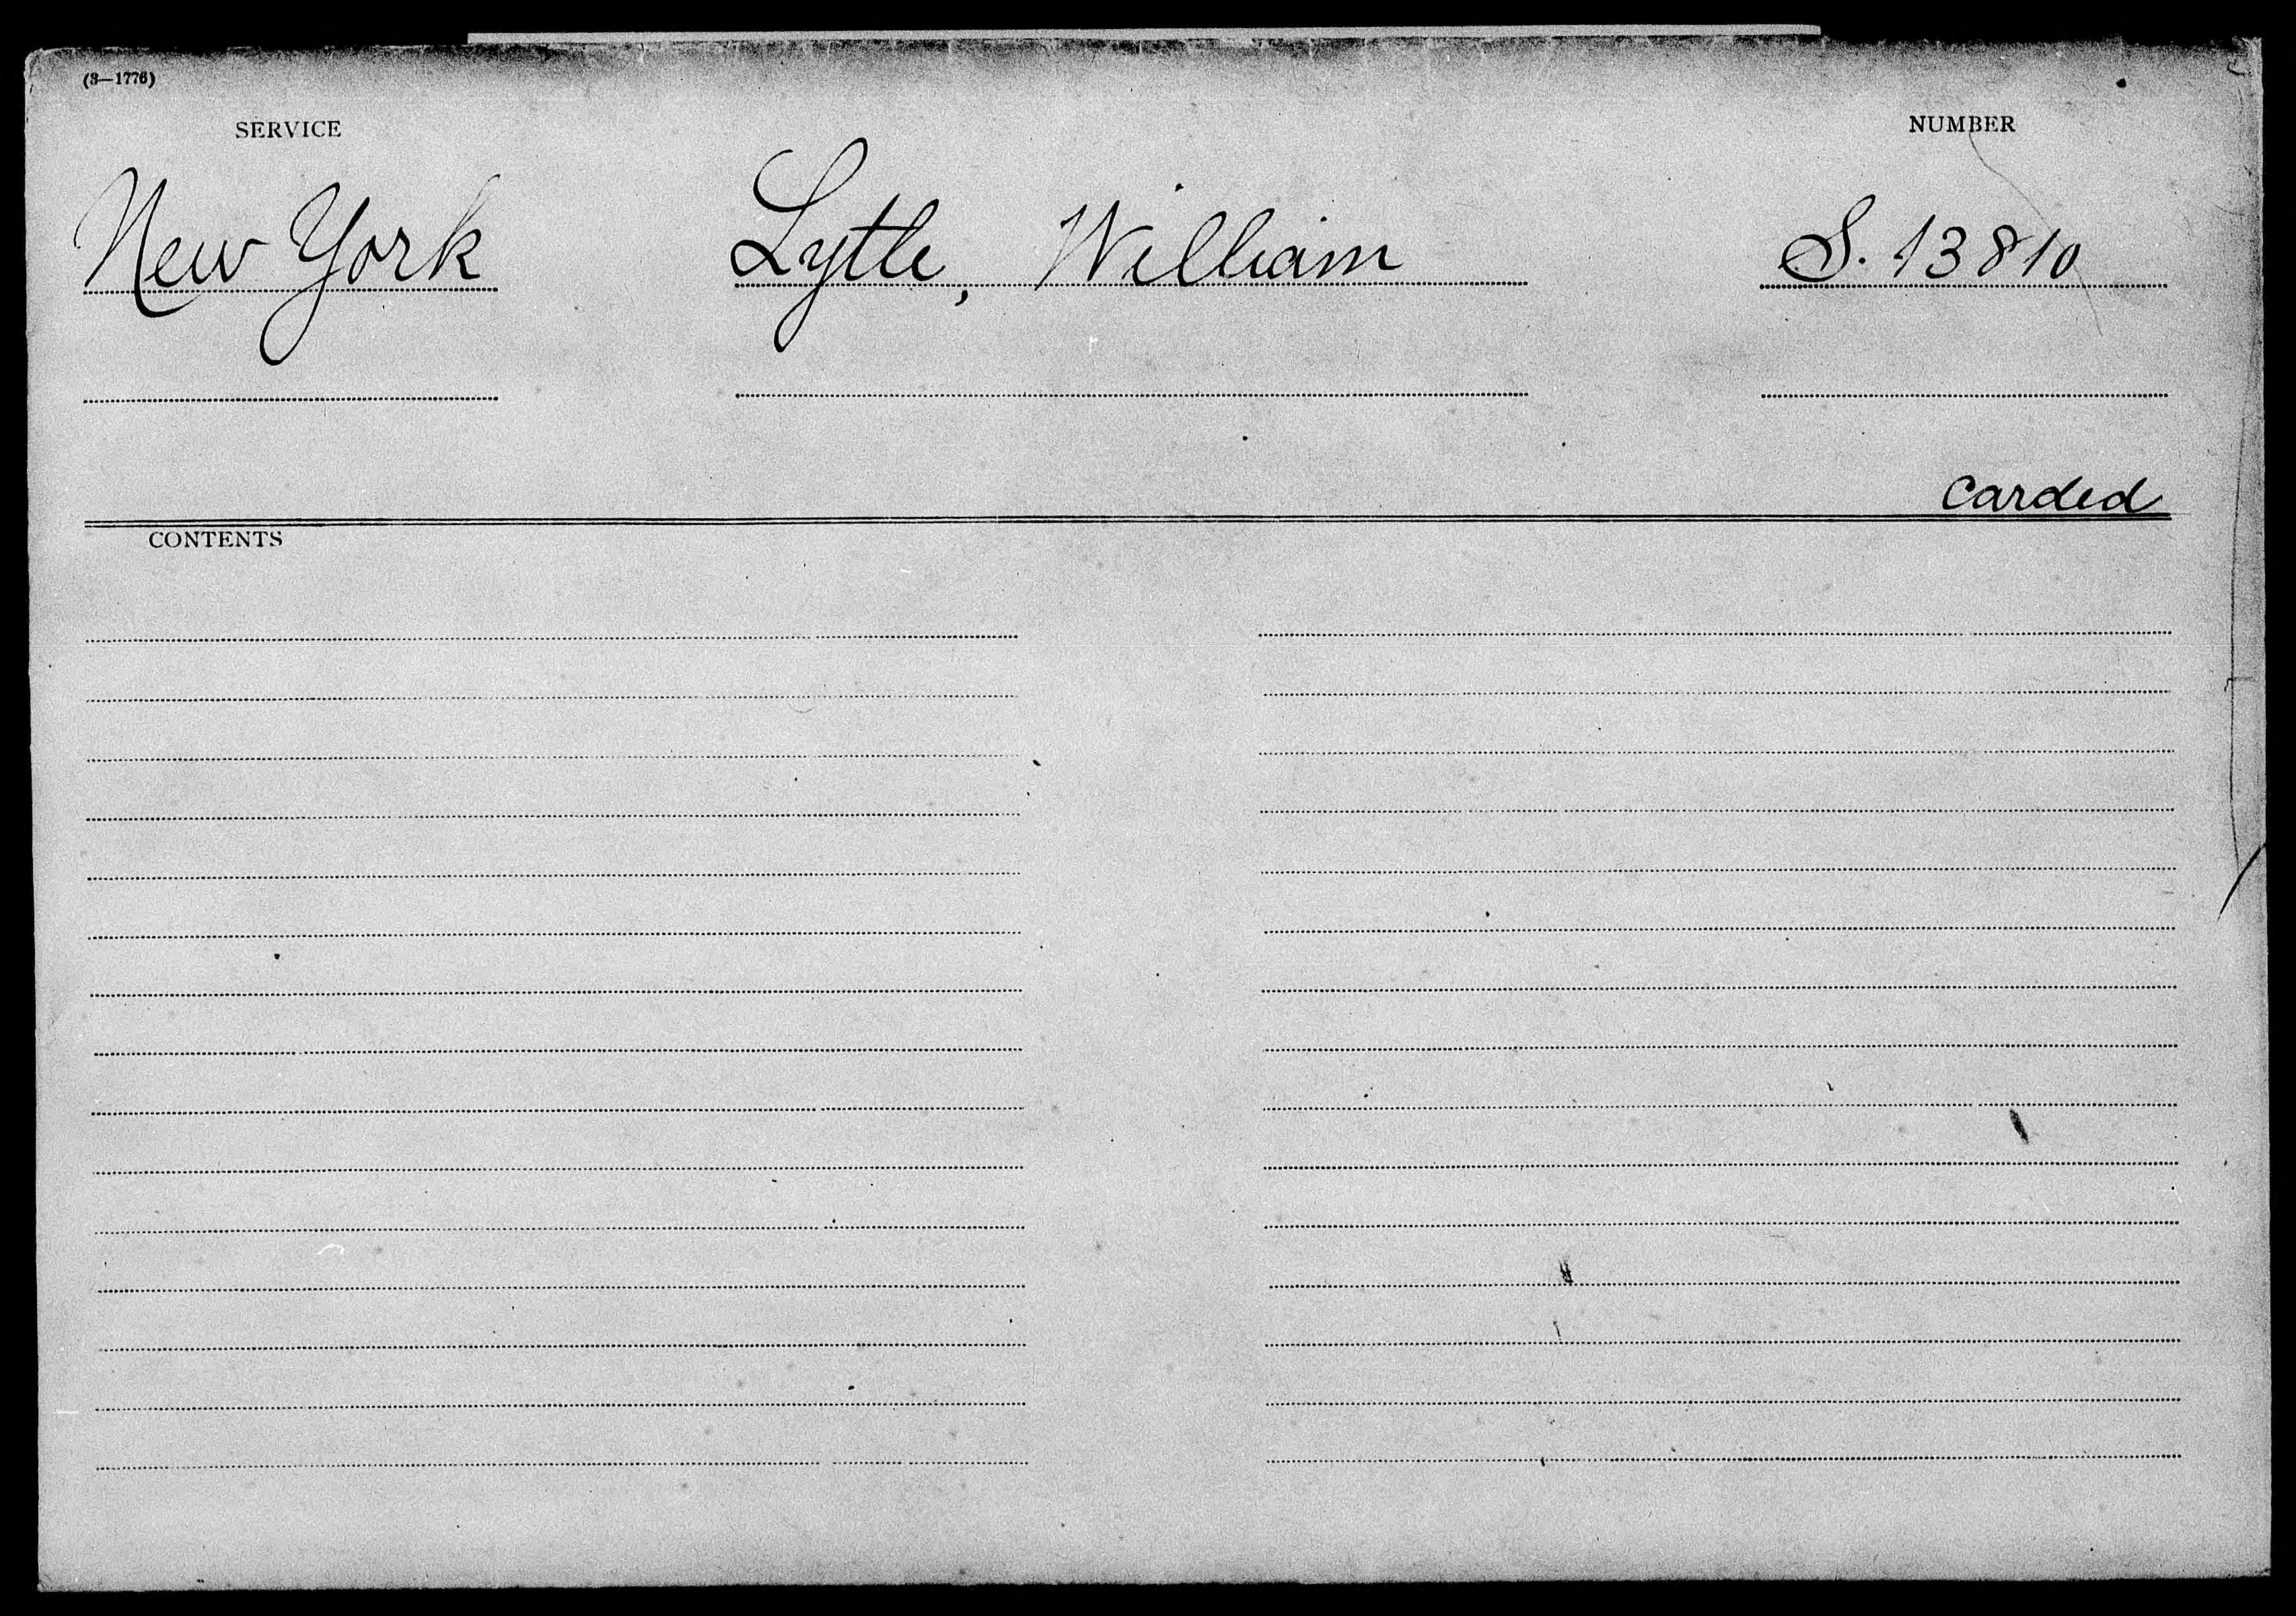(3-1776)

SERVICE
New York
Lytle, William

NUMBER S. 13810

Carded

CONTENTS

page: 1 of 24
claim: survivor's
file: S. 13810, for William Lytle, New York